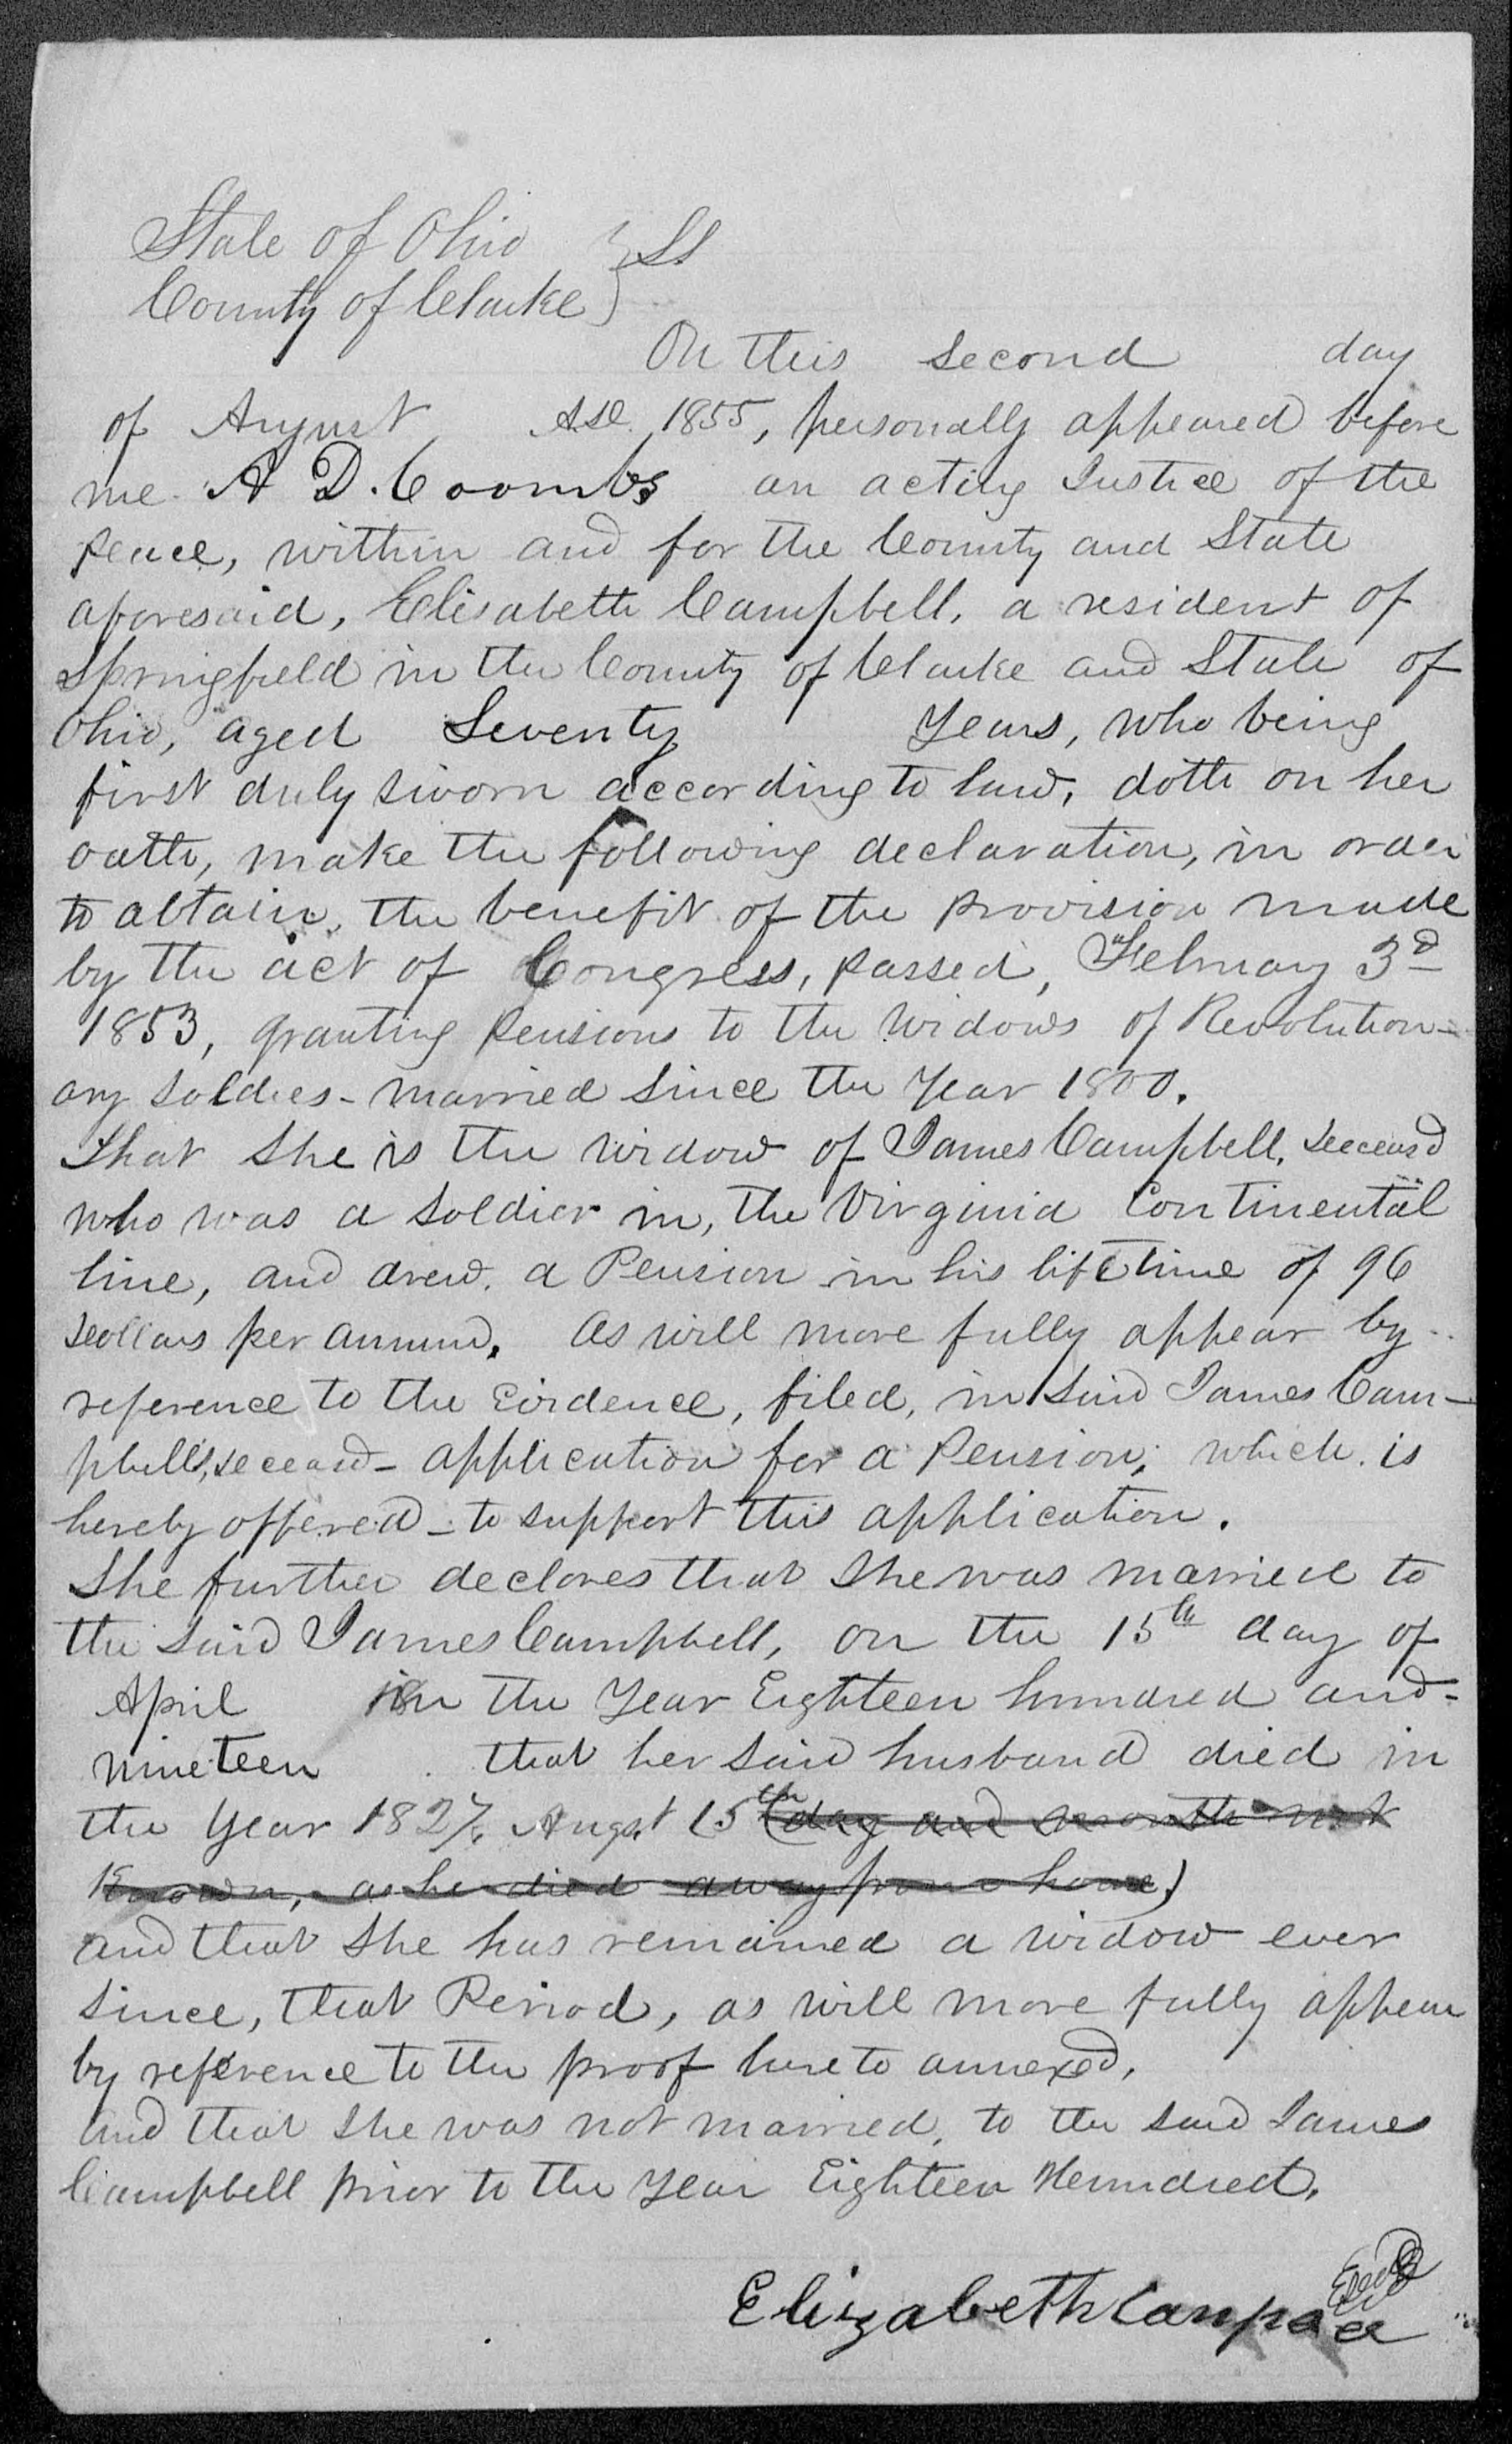State of Ohio}
County of Clarke} SS
On this Second day of August A.D. 1855, personally appeared before me A D. Coombs an acting Justice of the peace, within and for the County and State aforesaid, Elisabeth Campbell, a resident of Springfield in the county of Clarke and State of Ohio, aged Seventy years, who being first duly sworn according to law, doth on her oath, make the following declaration, in order to obtain the benefit of the provision made by the act of Congress, passed February 3d - 1853, granting pensions to the widows of Revolutionary Soldiers - married since the year 1800. 
That She is the widow of James Campbell deceased who was a Soldier in the Virginia Continental line, and drew a Pension in his lifetime of 96 dollars per annum, As will more fully appear by reference to the Evidence, filed in said James Campbell's, deceased - application for a Pension, which is hereby offered - to support this application.
She further declares that she was married to the said James Campbell, ono the 15th day of April in the year Eighteen hundred and nineteen that her said husband died in the year 1827, Augst. 15th( (day and month not known, as he died away from home) crossed out) and that she has remained a widow ever since, that Period, as will more fully appear by reference to the proof hereto annexed, and that she was not married to the said James Campbell prior to the year Eighteen Hundred.
Elizabeth Campbell seal (circled)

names: Elisabeth Campbell, James Campbell, A D Coombs, Elizabeth Canpall, James Campbell, James Campbell, James Campbell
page: 12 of 47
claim: widow's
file: W. 25384, James Campbell, Va.